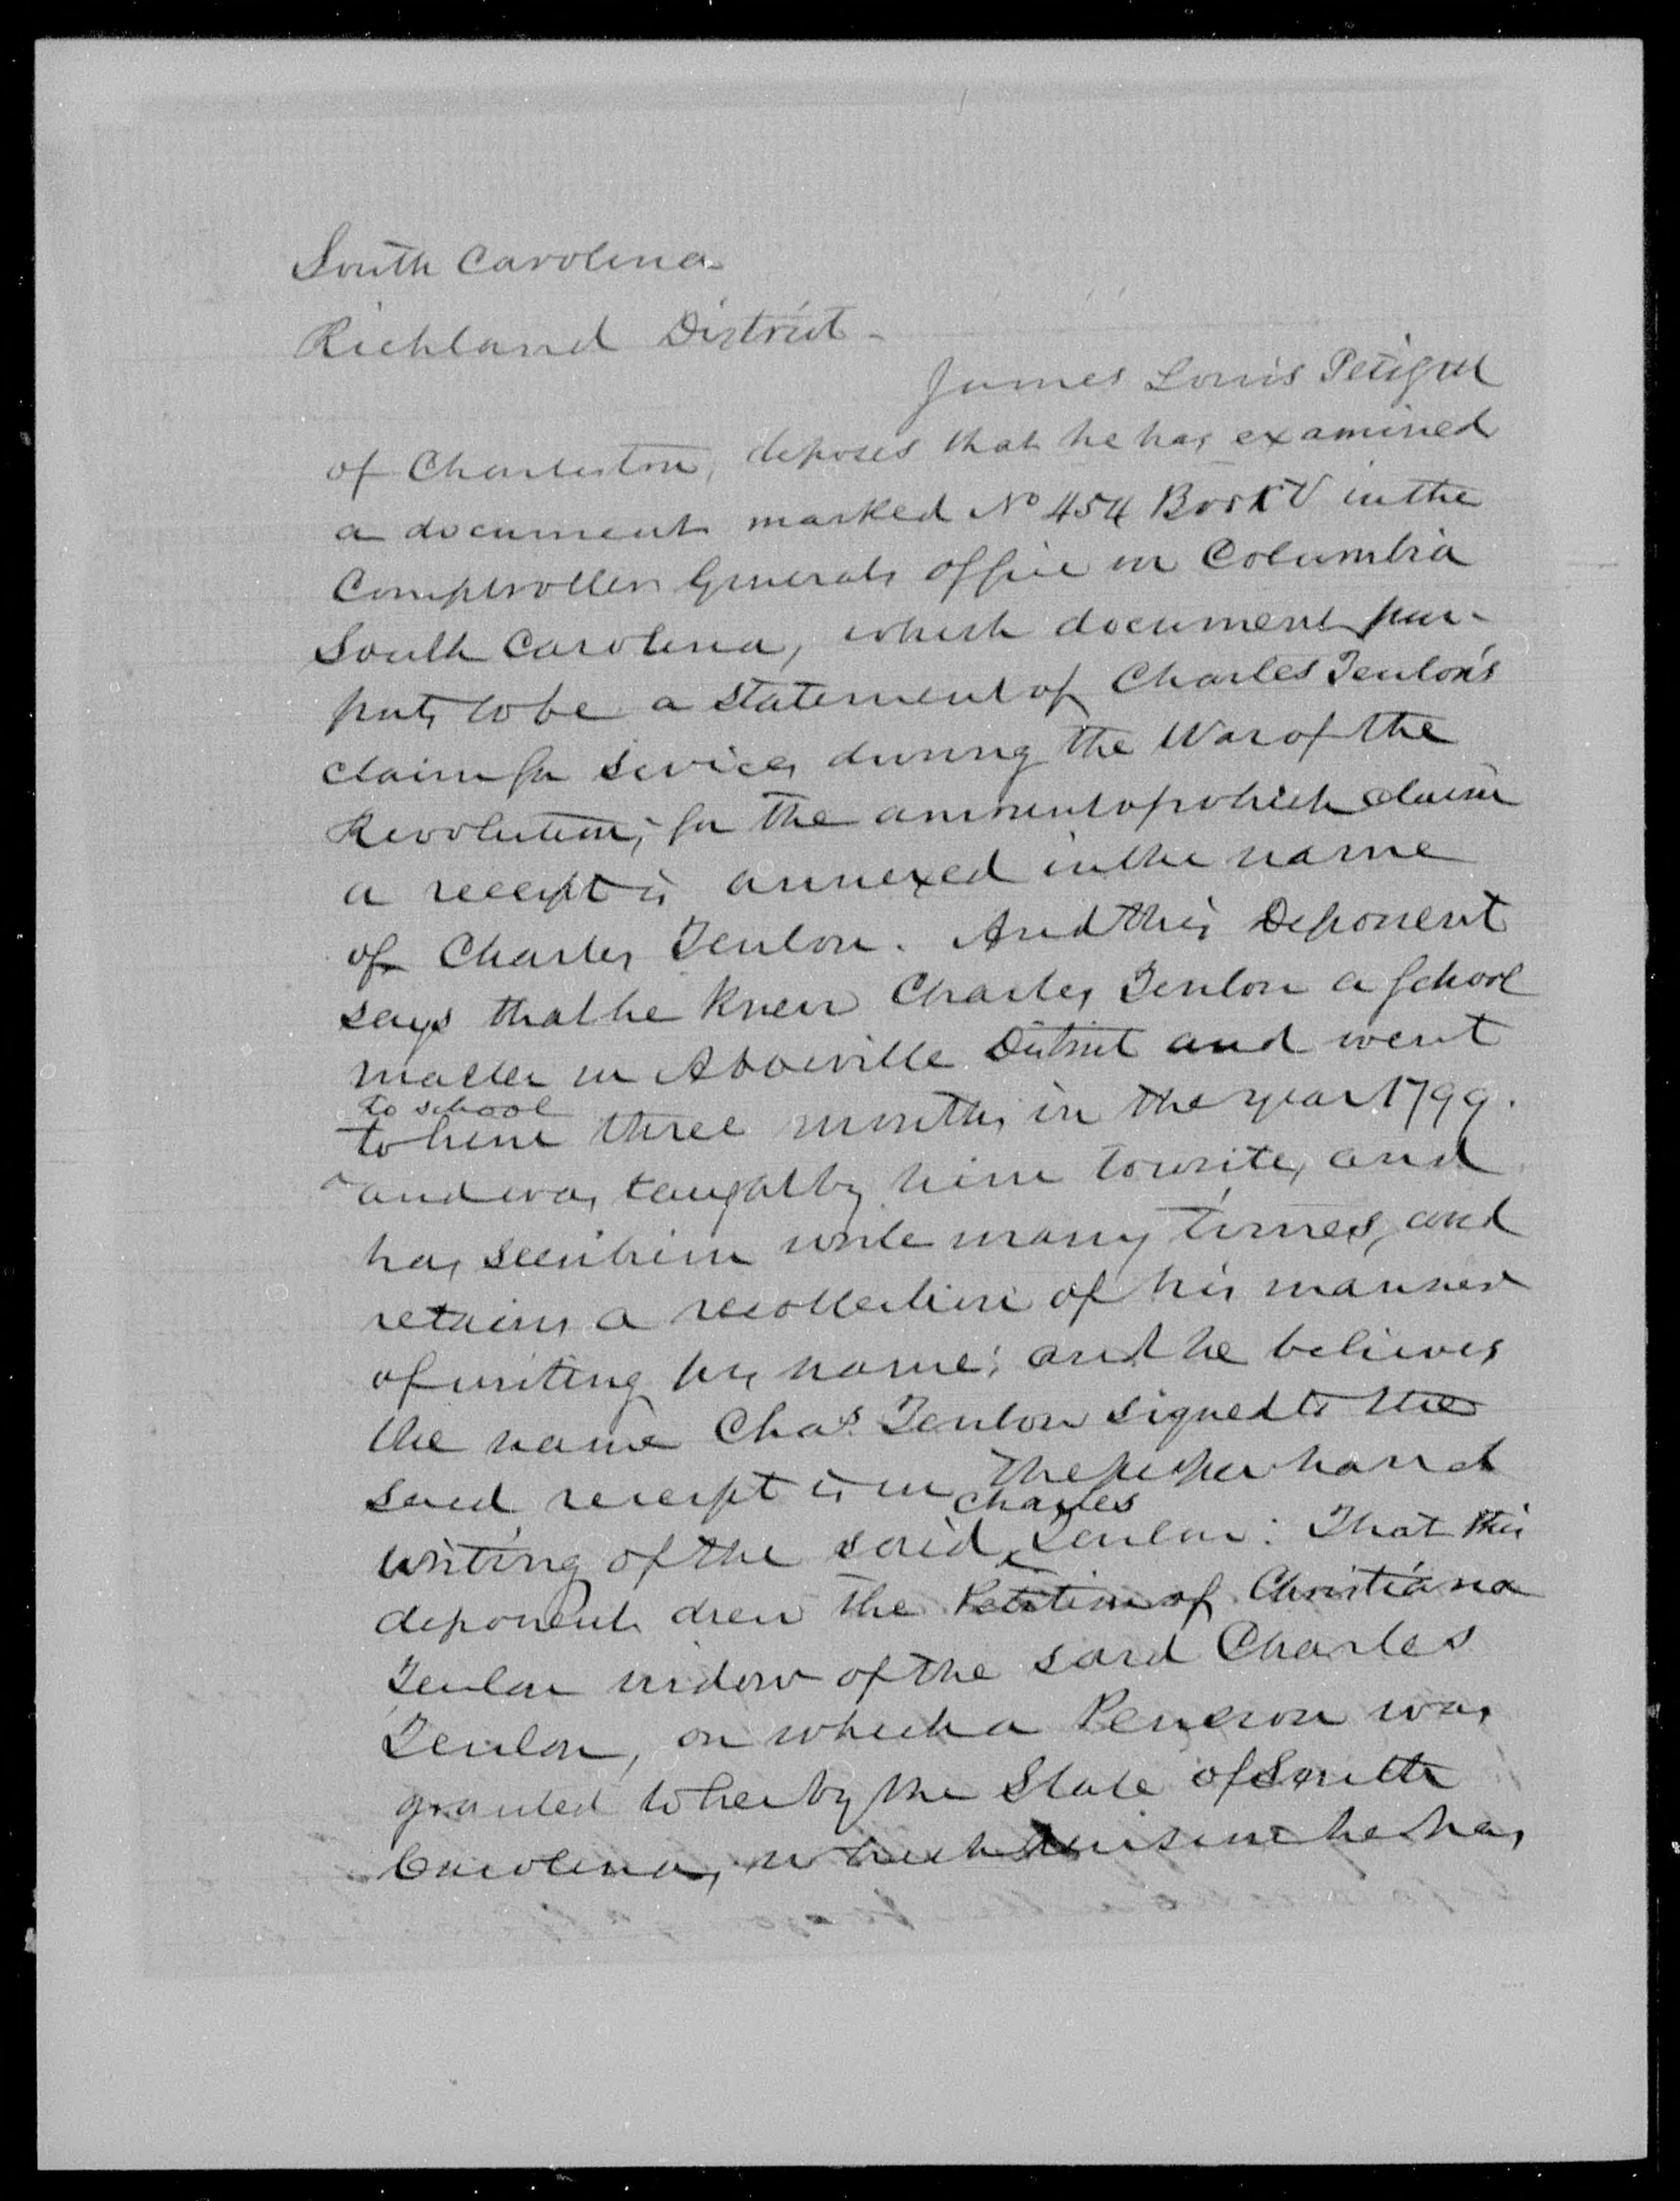South Carolina
Richland District -
James Louis Petigru of Chalreston deposed that he has examined a document marked N0 454 Book V in the Comptroller Generals Office in Columbia South Carolina, which document (illegible) to be a statement of Charles Teulon'e claim for services during the War of the Revolution, for the amount of which claim a receipt is annexed in the name of Charles Teulon. And this Deponent says that he knew Charles Teulon as school master in Abbeville District and went to him (to school) three months in the year1799. and was taught by him to write, and seen him write many times, and retains a recollection of his manner of writing by name; and he believes the name Chas. Teulon signed to the said receipt is in the ( illegible) hand writing of the said Charles Teulon. That this deponent drew the Petition of Christiana Teulon widow of the said Charles Teulon, on which a Pension was granted whereby the State of South Carolina, which is in the (illegible),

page: 11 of 19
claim: rejected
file: R. 10474, for Charles Teulon, South Carolina